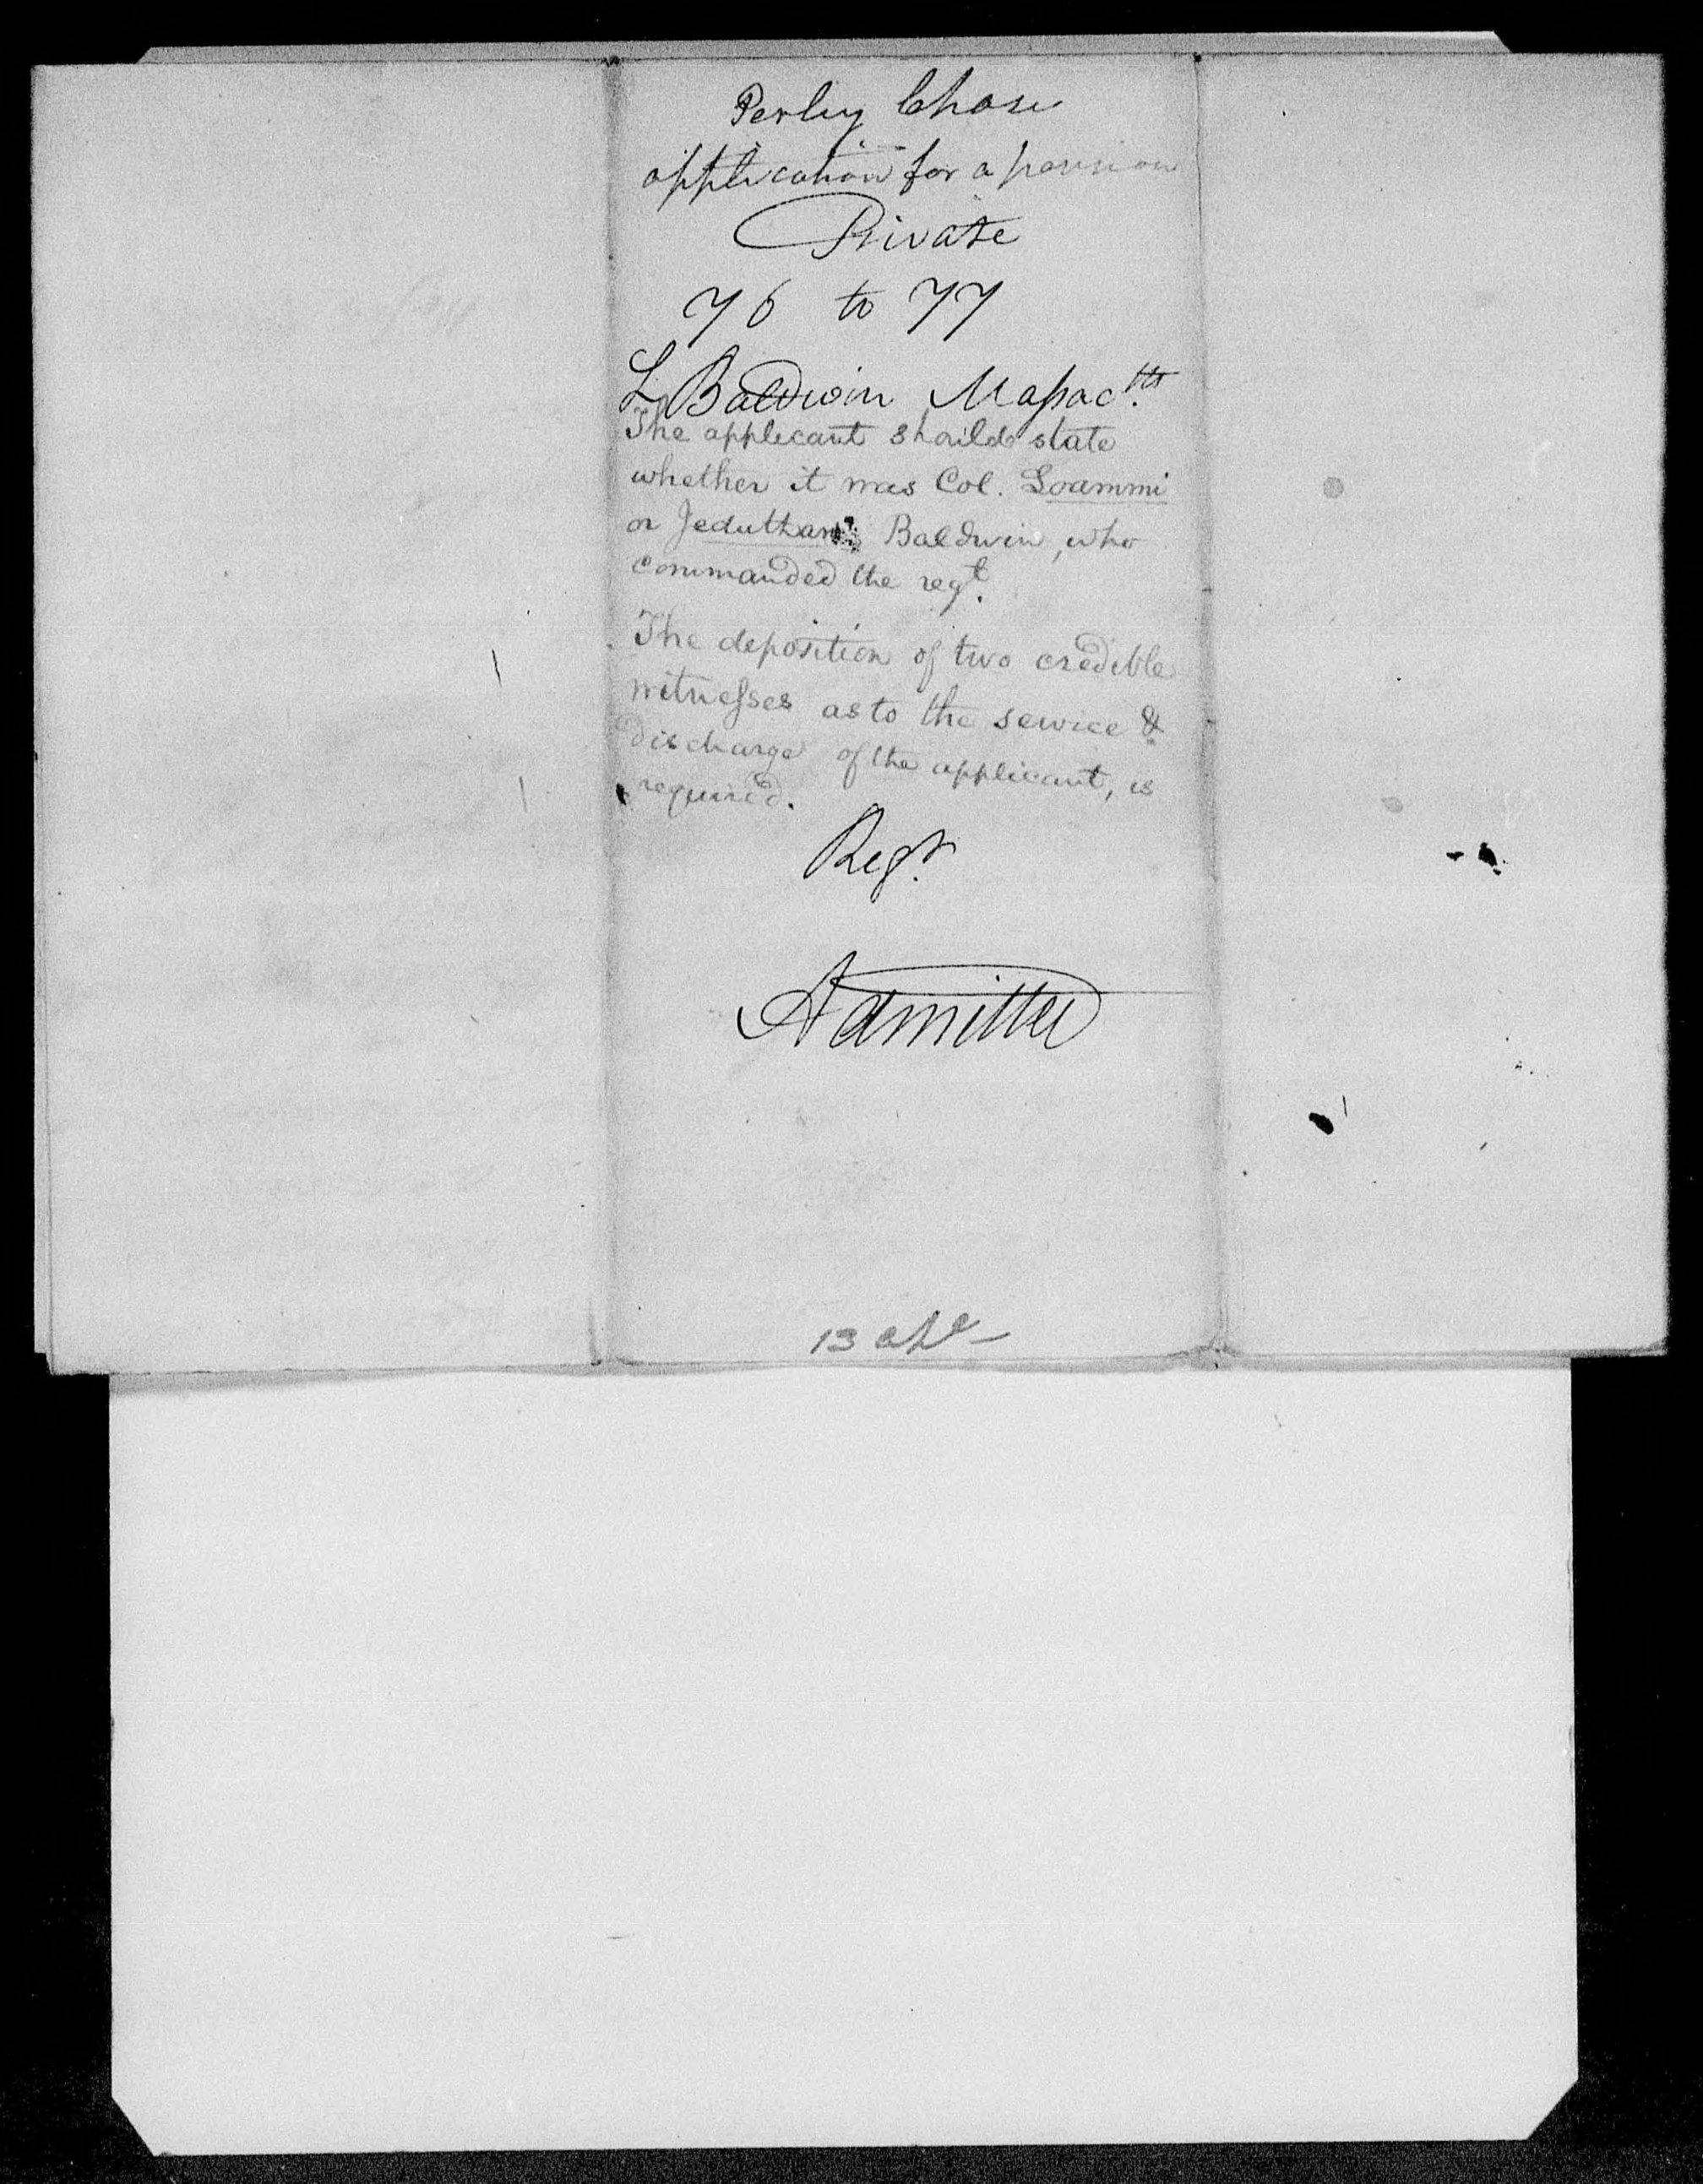Perley Chase
application for a pension
Private
76 to 77
L.Baldwin Mapacth.

The applicant should state 
whether it was Col. Loammi or 
Jeduthan Baldwin, who
commanded the regt.
The deposition of two credible
witnesses as to the service &
discharge of the applicant, is
required. 
Regr.
Admitted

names: Jeduthan Baldwin, L Baldwin, Loammi Baldwin, Perley Chase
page: 20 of 24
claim: survivor's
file: S. 17879, Perley Chase, Continental Mass.